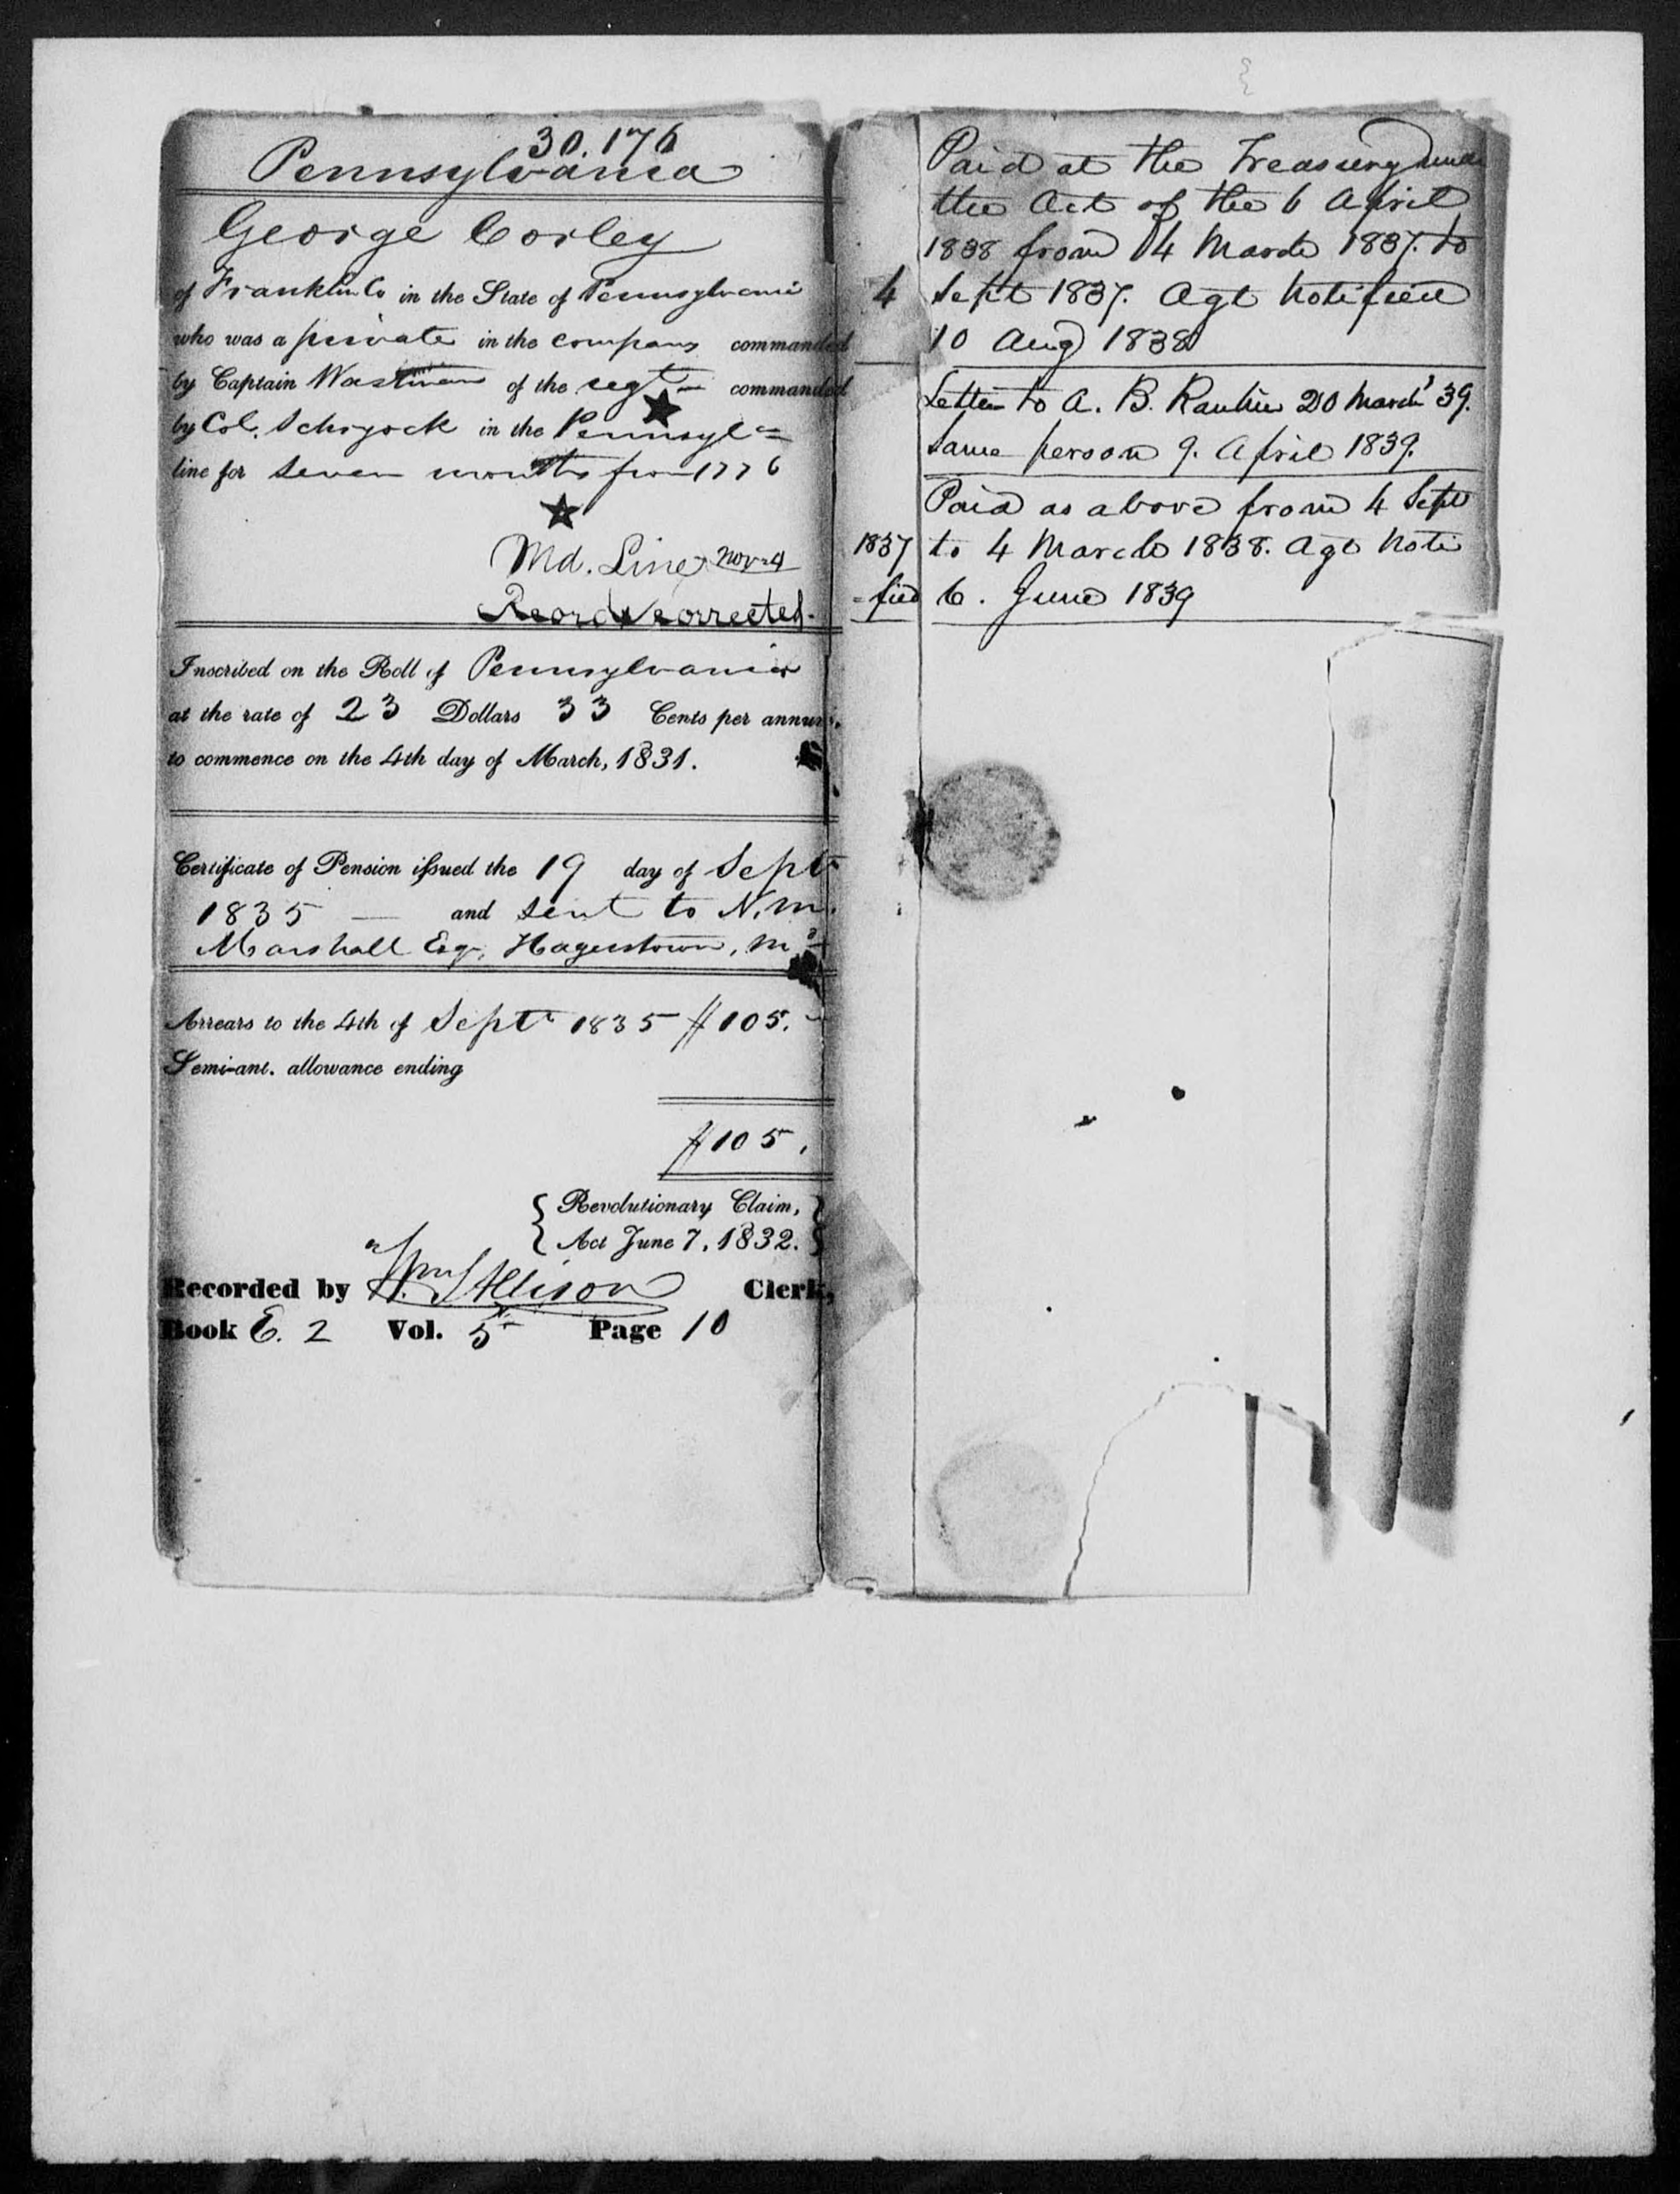[Two columns]
[Left column]

30,176
Pennsylvania

George Corley
of Franklin Co in the State of Pennsylvania
who was a private in the Company commanded
by Captain Wastman of the regt. commanded
by Col. Schryock in the Pennsl [star placed above Pennsyl]
line for seven months from 1776
[star]
Md. Line [begin underline] Nov. 4 end underline]
Record corrected.

Inscribed on the Roll of Pennsylvania
at the rate of 23 Dollars 33 Cents per annum
to commence on the 4th day of March, 1831.

Certificate of Pension issued the 19 day of Sept.
1835--- and sent to N. M.
Marshall, Esqr. Hagerstown, Md.

Arrears to the 4th of Sept 1835 $105.--
Semi-anl. allowance ending [blank]
$105.
____
____

{ Revolutionary Claim, }
{ Act June 7, 1832. }

Recorded by Wm. S Allison Clerk,
Book E. 2 Vol. 5th Page 10

[Right column]

Paid at the Treasury under
the Act of the 6 April 
1838 from 4 March 1837 to
Sept 1837. Agt notified
10 Aug 1838
________________________
Letter to A. B. Rankin 20 March '39.
Same person 9. April 1839.
_________________________
Paid as above from 4 Sept
1837 to 4 March 1838.  Agt noti
fied 6. June 1839
_________________________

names: Schryock, Wm S Allison, N M Marshall, A B Rankin, Wastman, George Corley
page: 2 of 22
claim: survivor's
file: S. 9,199, George Corley, Md.